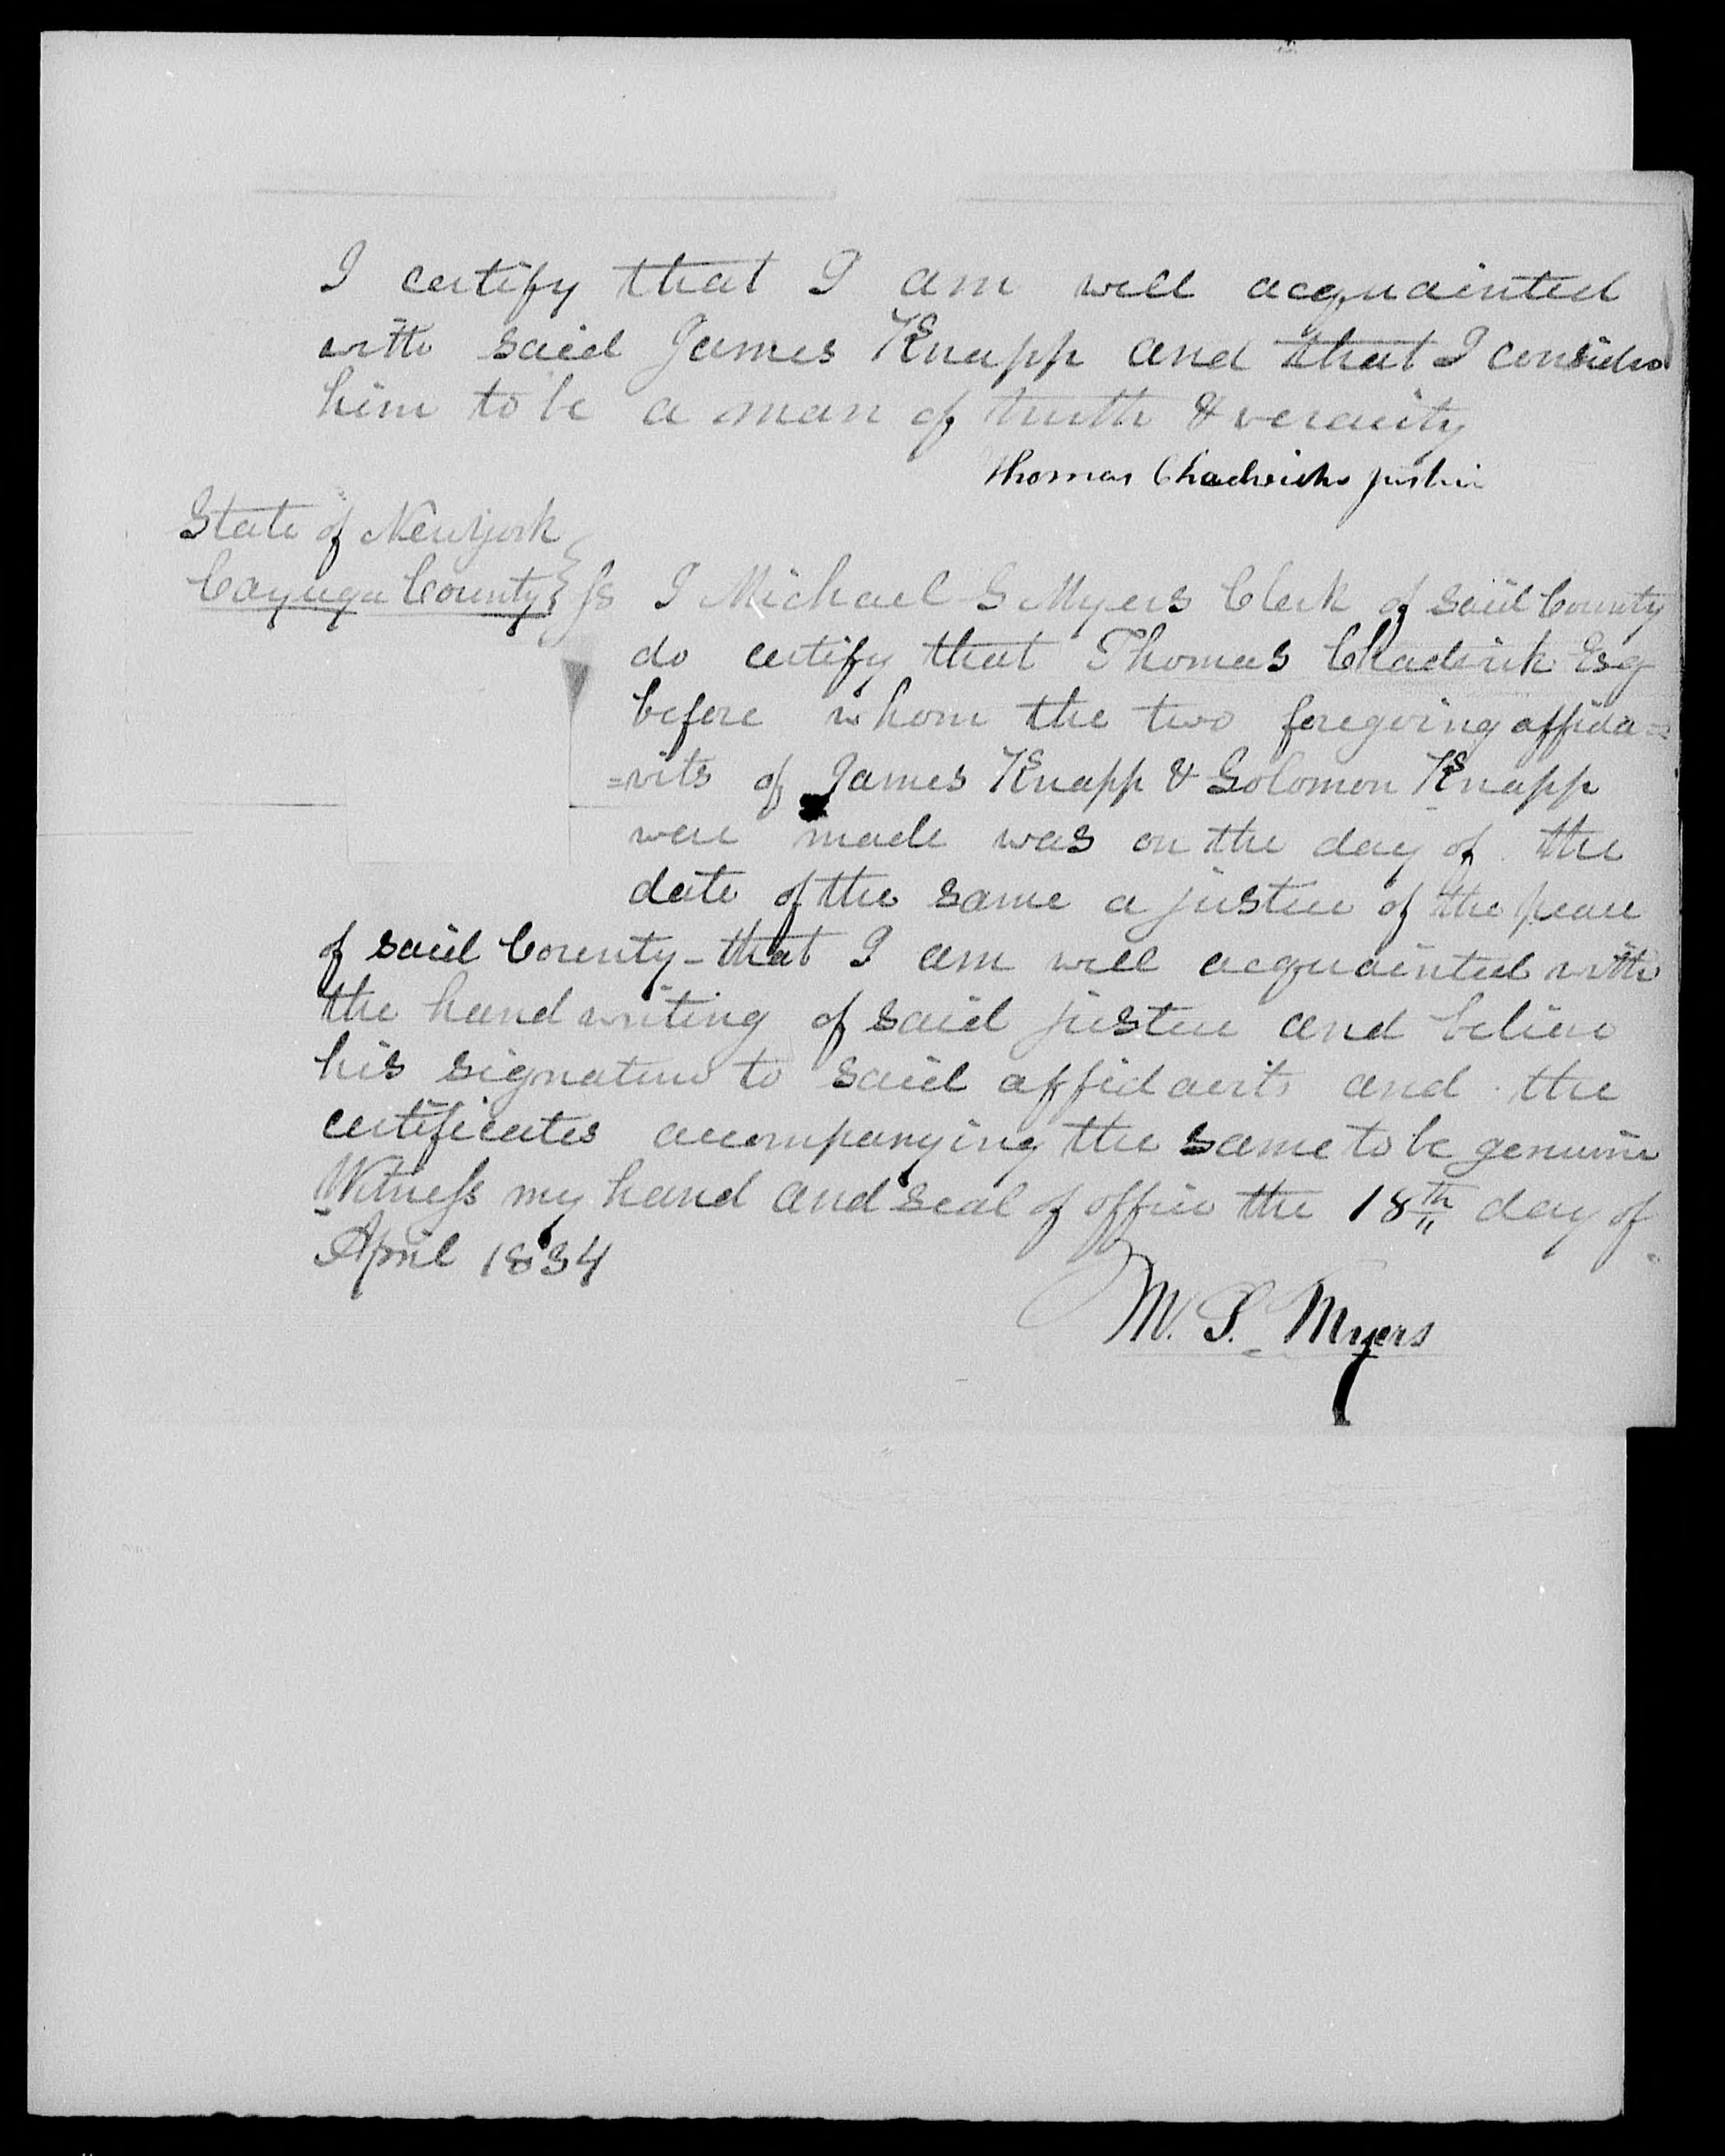I certify that I am well acquainted with said James Knapp and that I consider him to be a man of truth and veracity.
Thomas Chadwich Justice

State of New York
Cayuga County  SS   I Michael S Myers clerk of said county do certify that Thomas Chadwich Esq. before whom the two forgoing affidavits of James Knapp and Solomon Knapp were made was on the day of the date of the same a justice of the peace of said county - that I am well acquainted with the handwriting of said justice and believe his signature to said affidavits and the certificates accompanying the same to be genuine.
Witness my hand and seal of office the 18th day of April 1834

MS Myers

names: M S Myers, Michael S Myers, Solomon Knapp, James Knapp, James Knapp, Thomas Chadwick, Thomas Chadwick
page: 26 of 35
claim: survivor's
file: S. 28727, Abraham Finch, Conn.